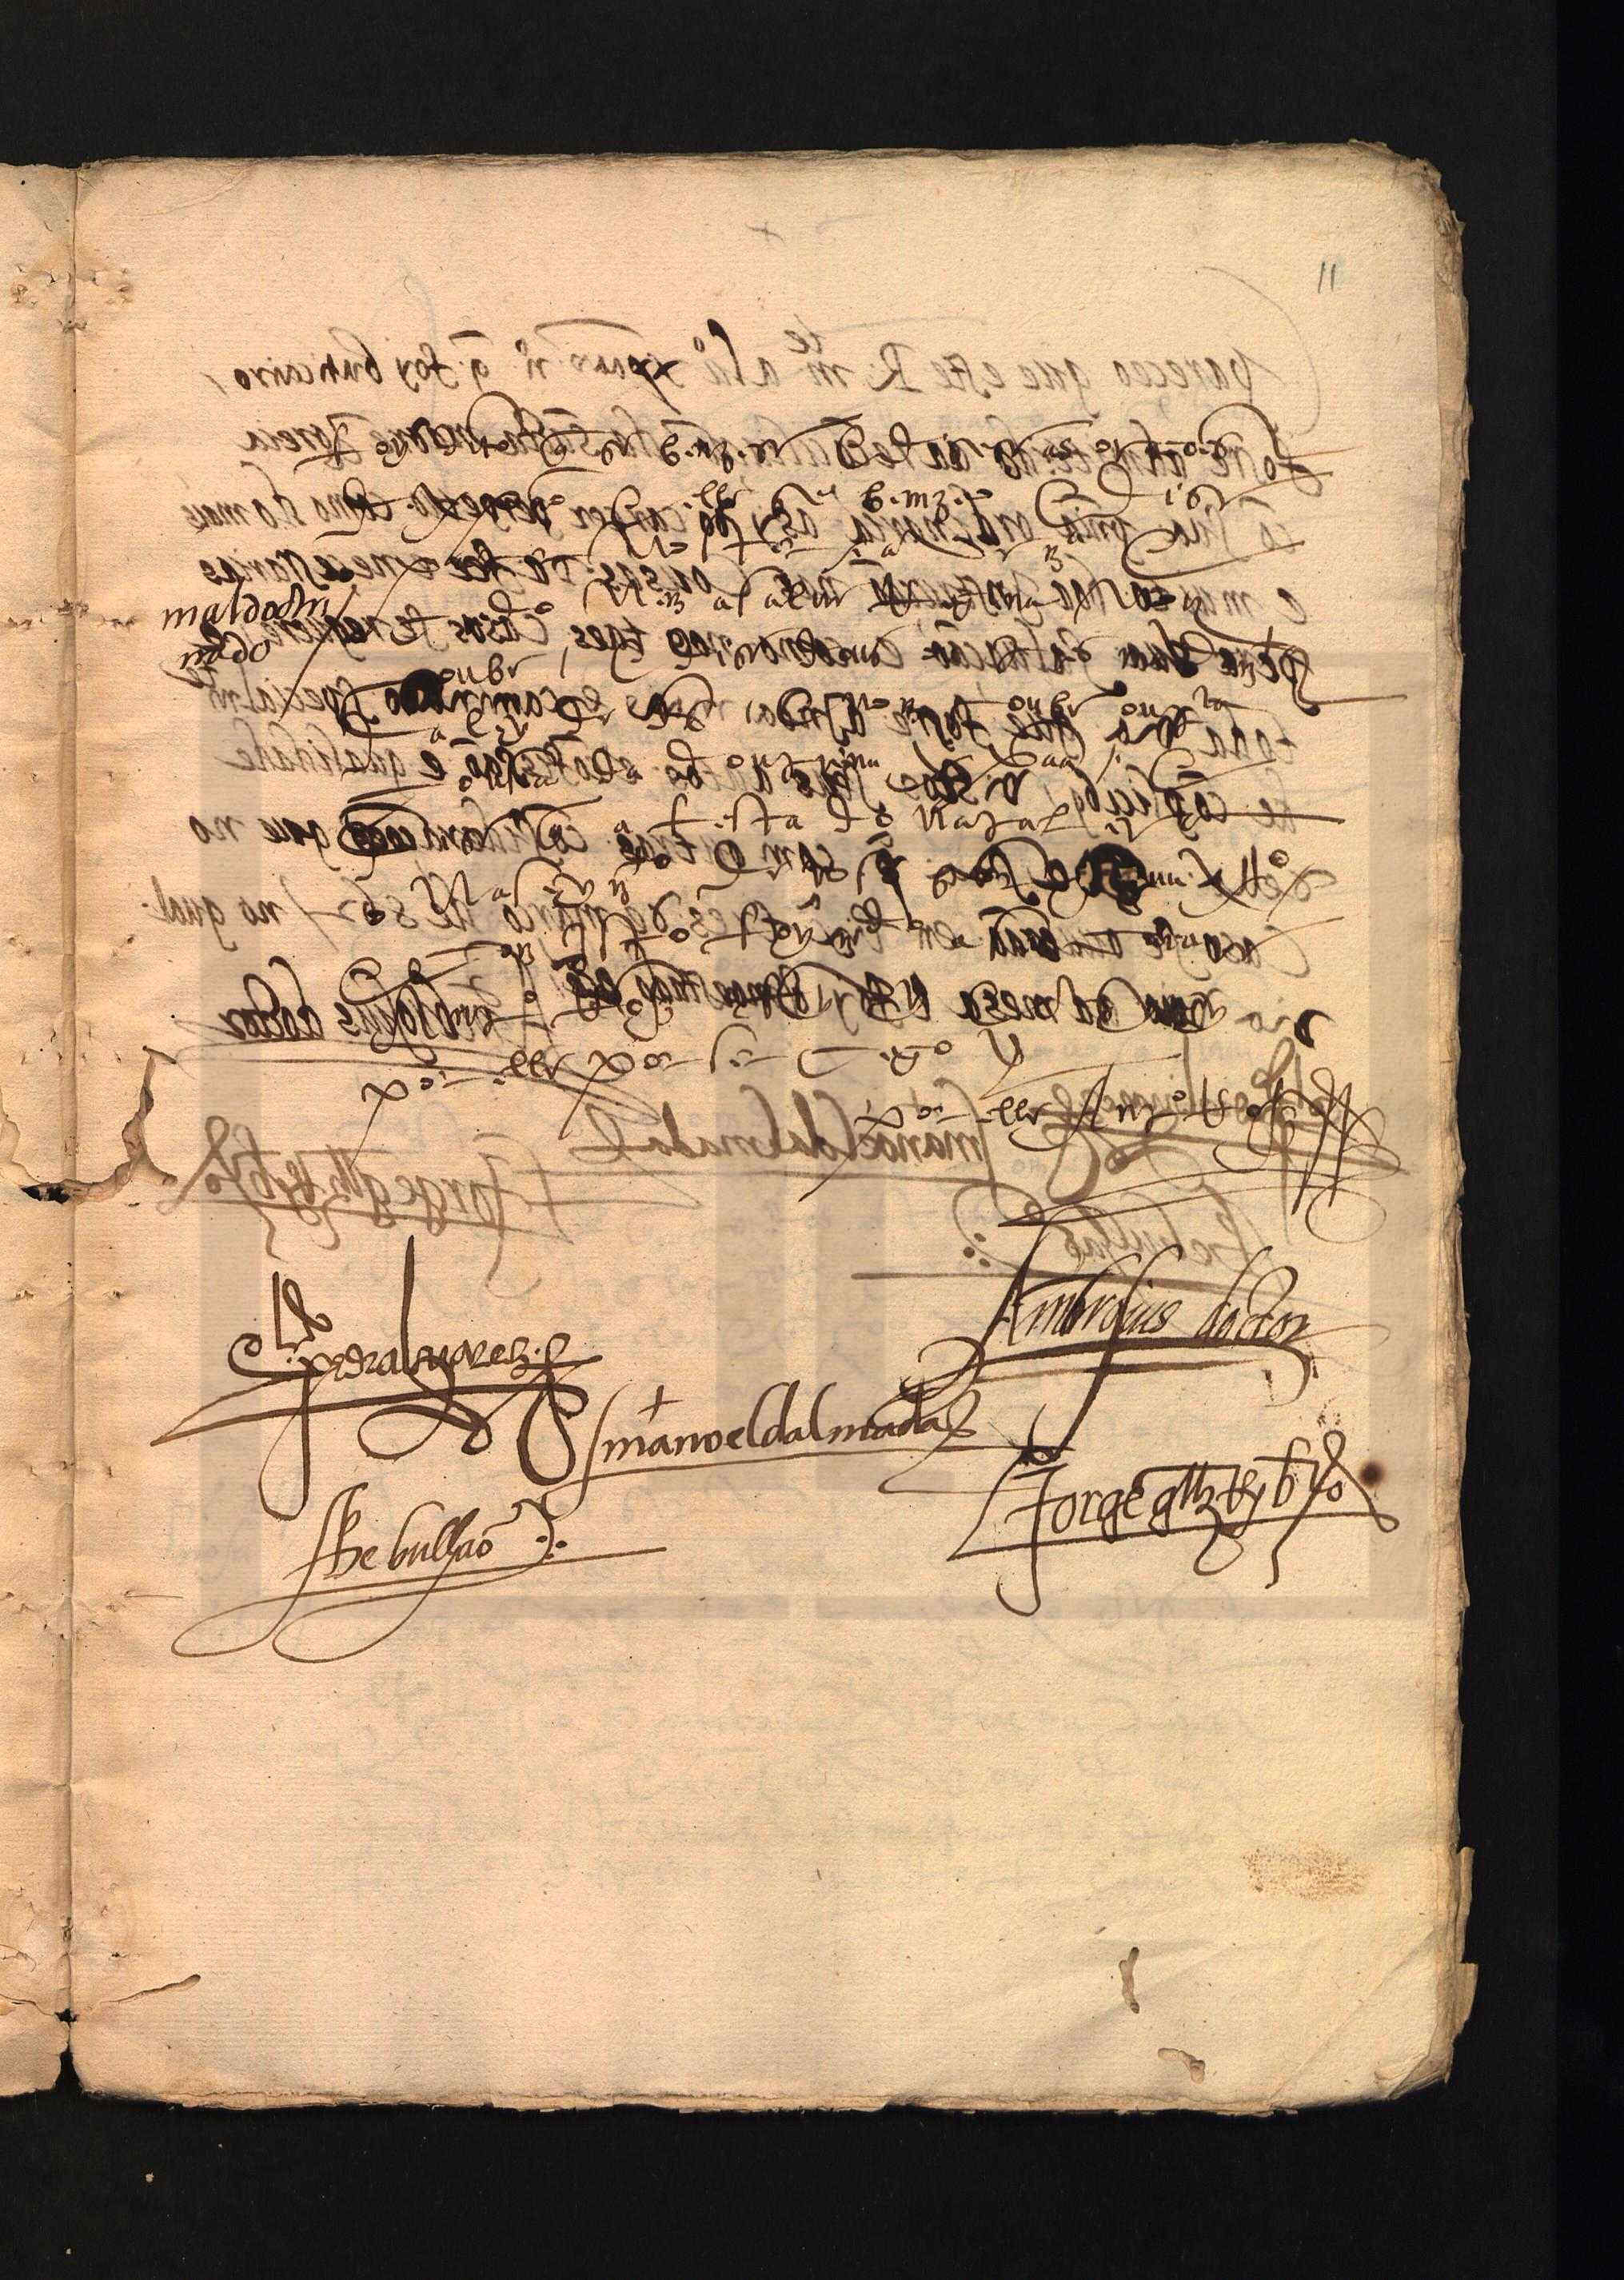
mal doctri
nado
foy dito q̄ se benzese e disese as oraçoẽs
de Xpão e elle se bemzeo E dise
pater noster e ave ma e
credo nem a salue Regina nem
soube / e dise dous ou tres mandamtos
da ley de ds̄ e nom soube outra
Cousa da doutrina Xpāa /. e
dise q̄ a festa do natal era
o Nascymto de noso sōr Jhuu Xo /
e com Jsto foy mdo a seu carcere
Anto RoJ̄z o stp̄vy e Asyney
por elle por ser cego
por elle Anto RoJz̄
Ambrosius doctor
Ldo pedraluarez
manoel dalmada
Jorge gllz̄ Ryb̄ro
Ao De bulhaõ
